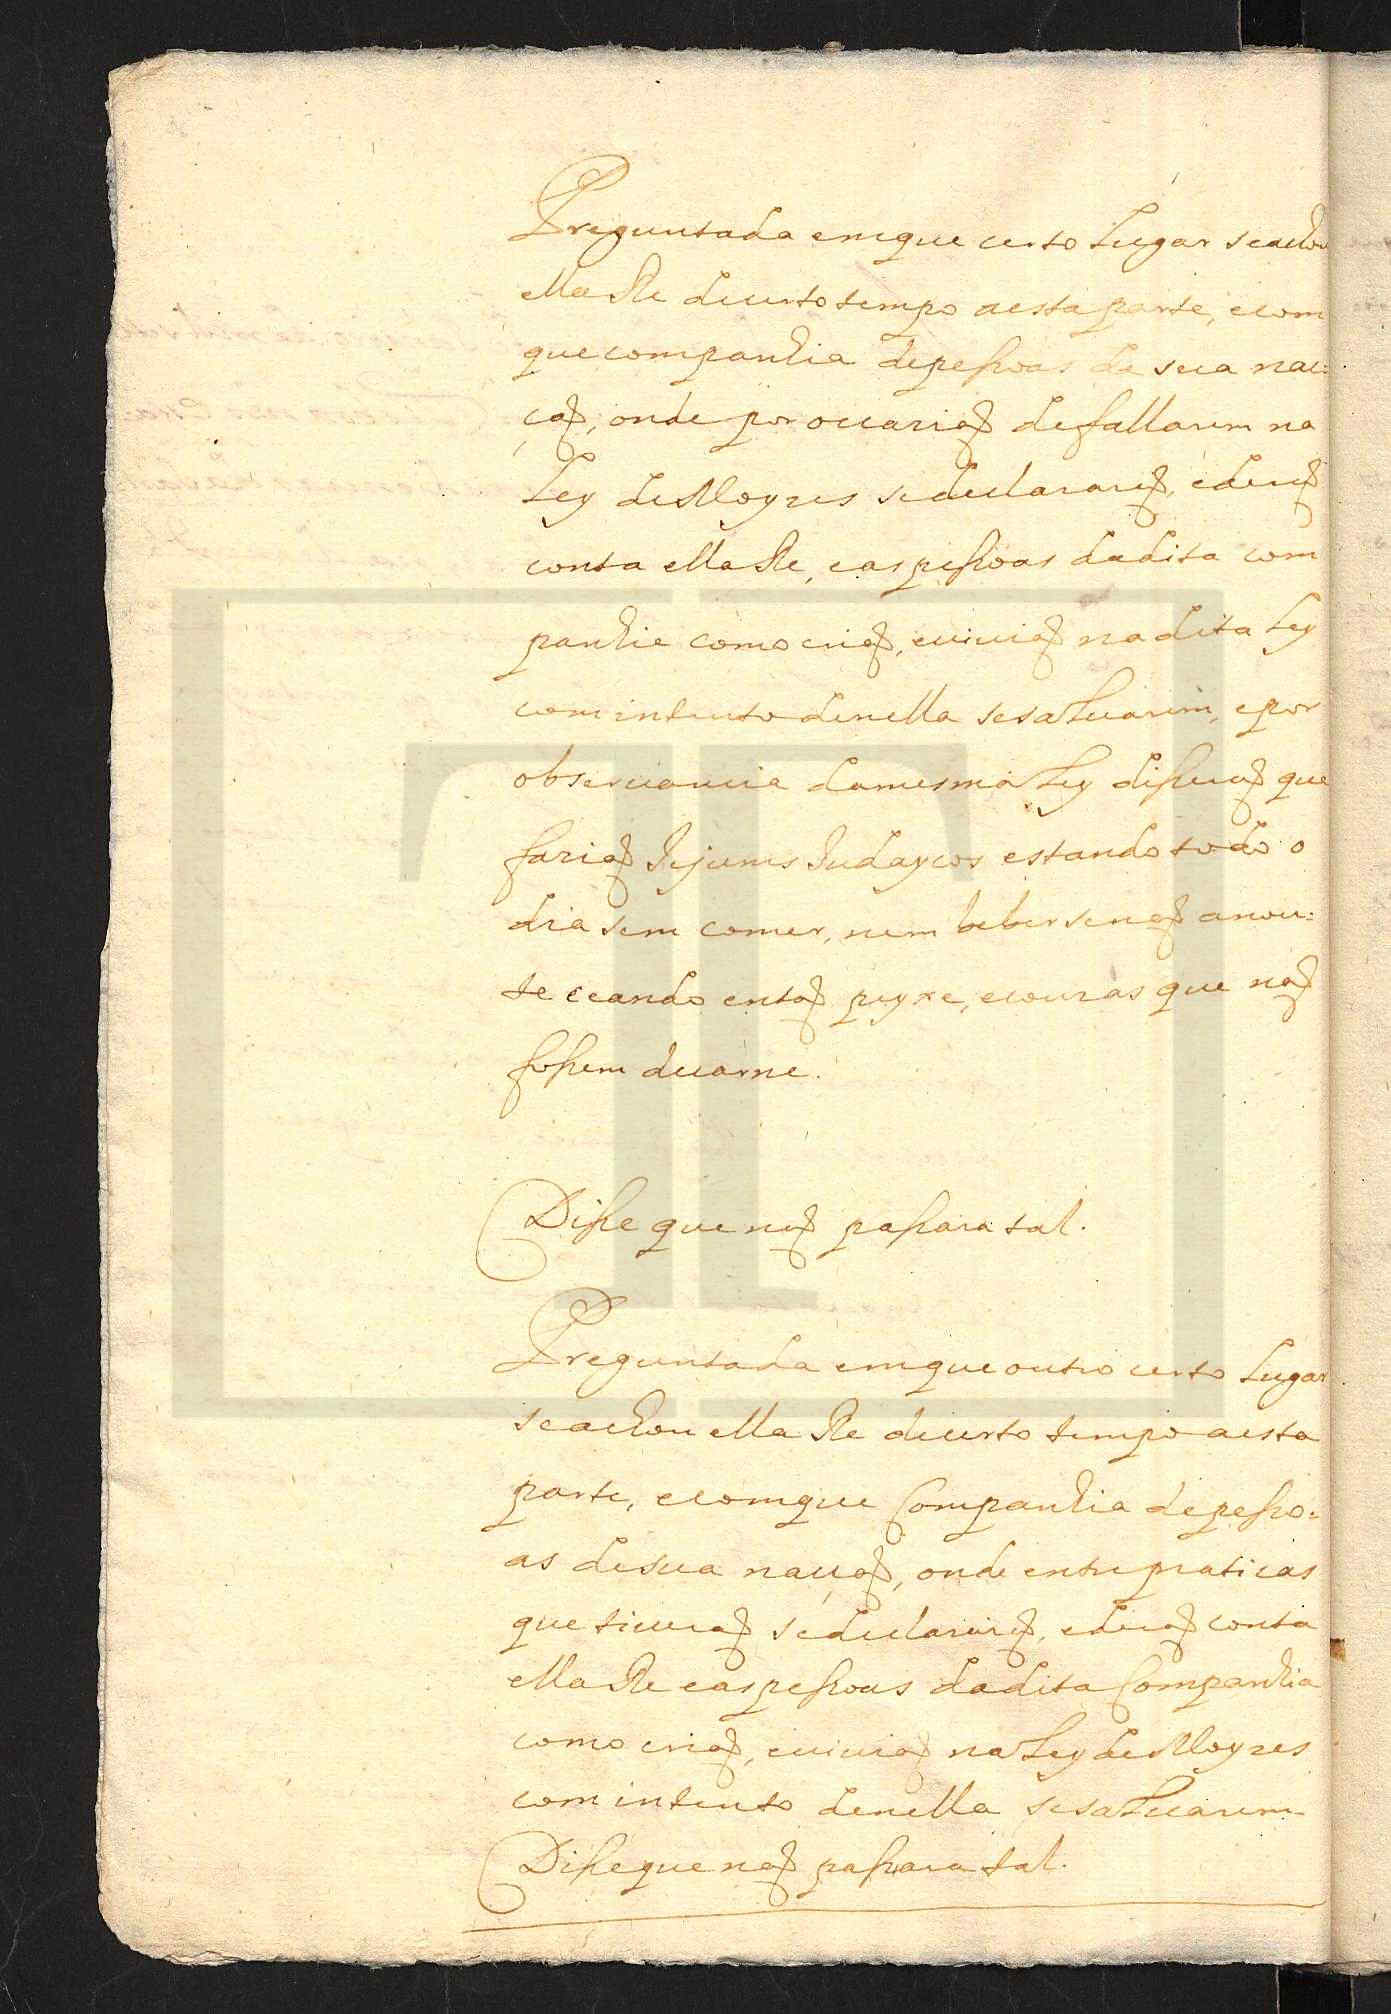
Preguntada em que certo Lugar se achou
ella Re de certo tempo a esta parte, e com
que companhia de pessoas da sua nac
çaõ, onde por occaziaõ de fallarem na
Ley de Moyzes se declararaõ e deraõ
conta ella Re, e as pessoas da dita com
panhia como criaõ, e uiuiaõ na dita Ley
com intento de nella se saluarem, e por
obseruancia da mesma Ley disseraõ que
faziaõ Iejums Iudaycos estando todo o
dia sem comer, nem beber senaõ a nou
te ceando entaõ peyxe, e couzas que naõ
fossem de carne.
Disse que naõ passara tal.
Preguntada em que outro certo Lugar
se achou ella Re de certo tempo a esta
parte, e com que Companhia de pesso
as de sua nacçaõ, onde entre praticas
que tiueraõ se declararaõ, e deraõ conta
ella Re e as pessoas da dita Companhia
como criaõ, e uiuiaõ na Ley de Moyzes
com intento de nella se saluarem
Disse que naõ passara tal.
